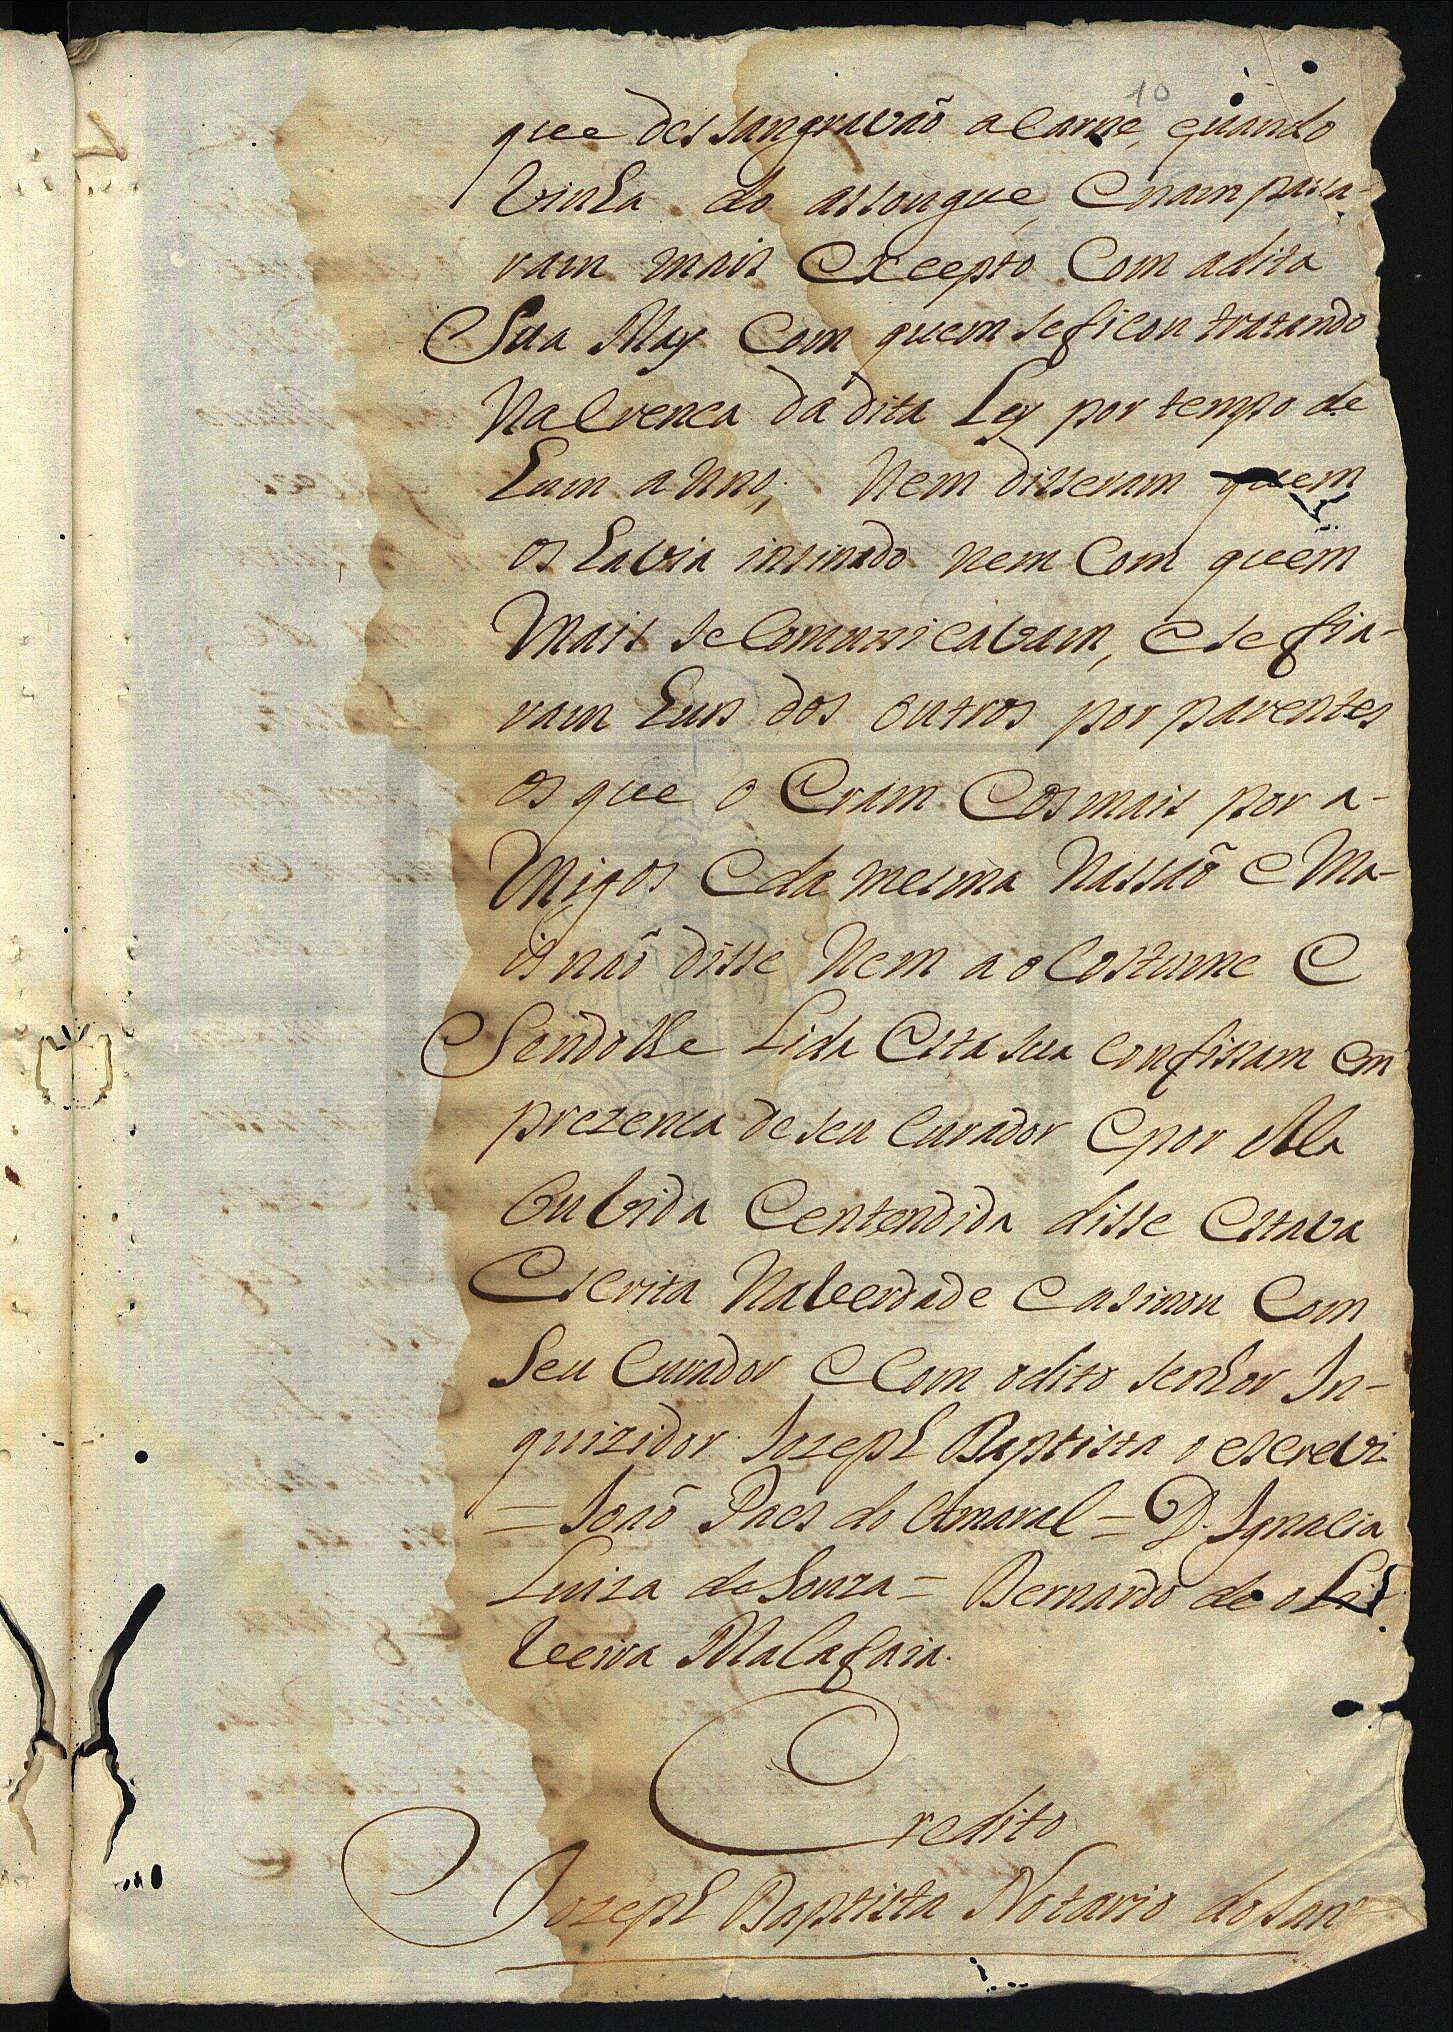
que dessangravaõ a carne, quando
Vinha do assougue, e nam passa
ram mais excepto com a dita
Sua May com quem se ficou tratando
na crenca da dita Ley por tempo de
hum anno; nem disseram quem
os havia insinado nem com quem
mais se comunicavam, e se fia
ram huns dos outros por parentes
os que o eram e os mais por a
migos e da mesma nassaõ e ma
is naõ disse nem ao costume e
Sendolhe Lida esta sua confissam em
prezenca de seu curador e por ella
Ouvida e entendida disse estava
escrita na verdade e asinou com
Seu curador e com o dito senhor In
quizidor Iozeph Baptista o escrevi
Ioaõ Paes do Amaral = D. Ignacia
Luiza de Souza = Bernardo de oLi
Veira Malafaia.
Credito
Jozeph Baptista Notario do san
